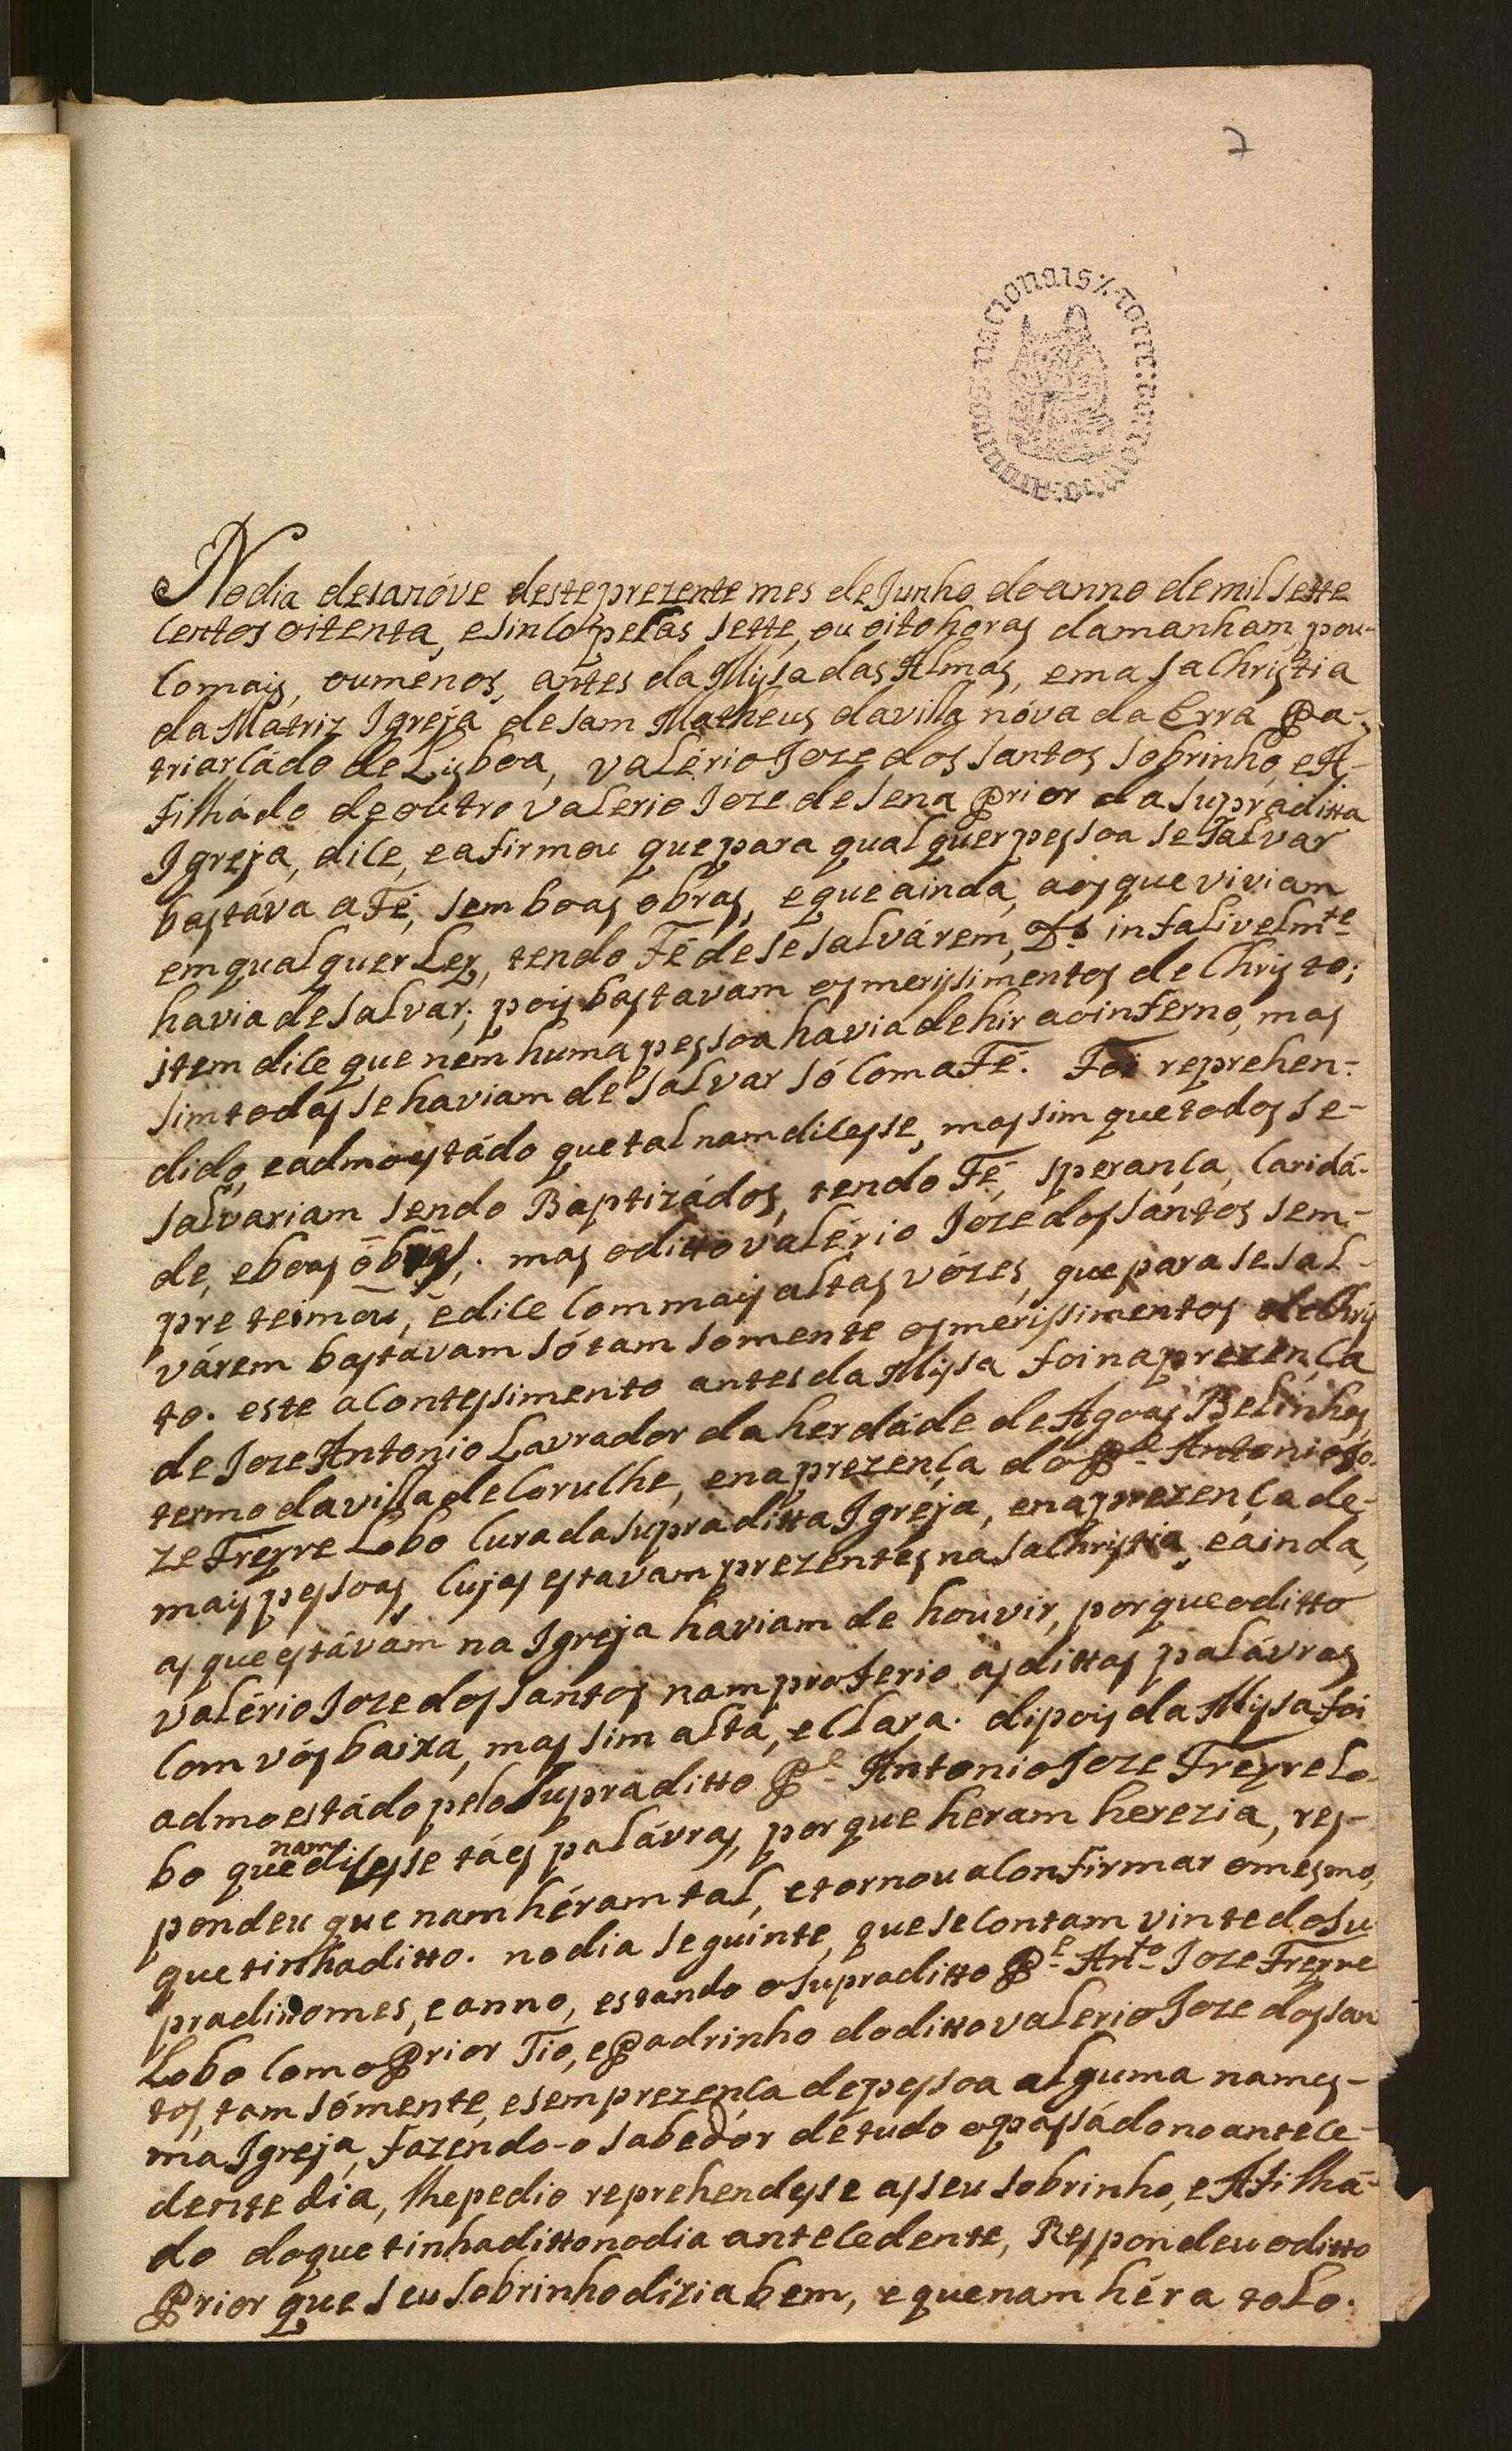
No dia desanóve deste prezente mes de Junho do anno de mil sette
centos oitenta, e sinco pelas sette, ou oito horas da manham, pou
Co mais, ou menos, antes da Missa das ALmas, em a saChristia
da Matriz Igreja de Sam Matheus da villa nóva da Erra Pa
triarCado de Lisboa, vaLério Joze dos santos sobrinho, e A
filhádo de outro vaLerio Ioze de sena prior da supraditta
Jgreja, diCe, e afirmou que para quaLquer pessoa se saLvar
bastáva a Fé, sem boas obras, e que ainda, aos que viviam
em quaLquer Ley, tendo Fé de se saLvárem, D.s infaLiveLm.te
havia de saLvar, pois bastavam os merissimentos de Christo;
jtem diCe que nemhuma pessoa havia de hir ao inferno, mas
sim todas se haviam de salvar só Com a Fé. Foi reprehen
dido, e admoestádo que taL nam dicesse, mas sim que todos se
saLvariam sendo Baptizados, tendo Fé, speranÇa, Caridá
de, e boas ob_as; mas o ditto vaLério Joze dos santos sem
pre teimou, e diCe Com mais aLtas vózes, que para se saL
várem bastavam só tam somente os merissimentos de Chris
to. este aContessimento antes da Missa foi na prezenÇa
de Ioze Antonio Lavrador da herdáde de Agoas BeLinhas,
termo da villa de CoruChe, e na prezenÇa do P.e Antonio Jo
ze Freyre Lobo Cura da supraditta Jgreja, e na prezenÇa de
mais pessoas, Cujas estavam prezentes na saChristia, e ainda,
as que estávam na Igreja haviam de houvir, porque o ditto
vaLério Ioze dos santos nam proferio as dittas paLávras
Com vós baixa, mas sim aLta, e Clara. dipois da Missa foi
admoestádo pelo Supraditto P.e Antonio Joze Freyre Lo
bo que nam dicesse táes paLávras, porque heram herezia, res
podeu que nam héram taL, e tornou a Confirmar o mesmo,
que tinha ditto. no dia seguinte, que se contam vinte do su
praditto mes, e anno, estando o supraditto P.e Anto. Ioze Freyre
Lobo Com o Prior Tio, e Padrinho do ditto vaLerio Ioze dos san
tos, tam sómente, e sem prezença de pessoa aLguma na mes
ma Igreja, fazendo-o sabedor de tudo o passado no antece
dente dia, lhe pedio reprehendesse a sseu sobrinho, e Afilha
do do que tinha ditto no dia anteCedente, Respondeu o ditto
Prior que seu sobrinho dizia bem, e que nam héra toLo.
